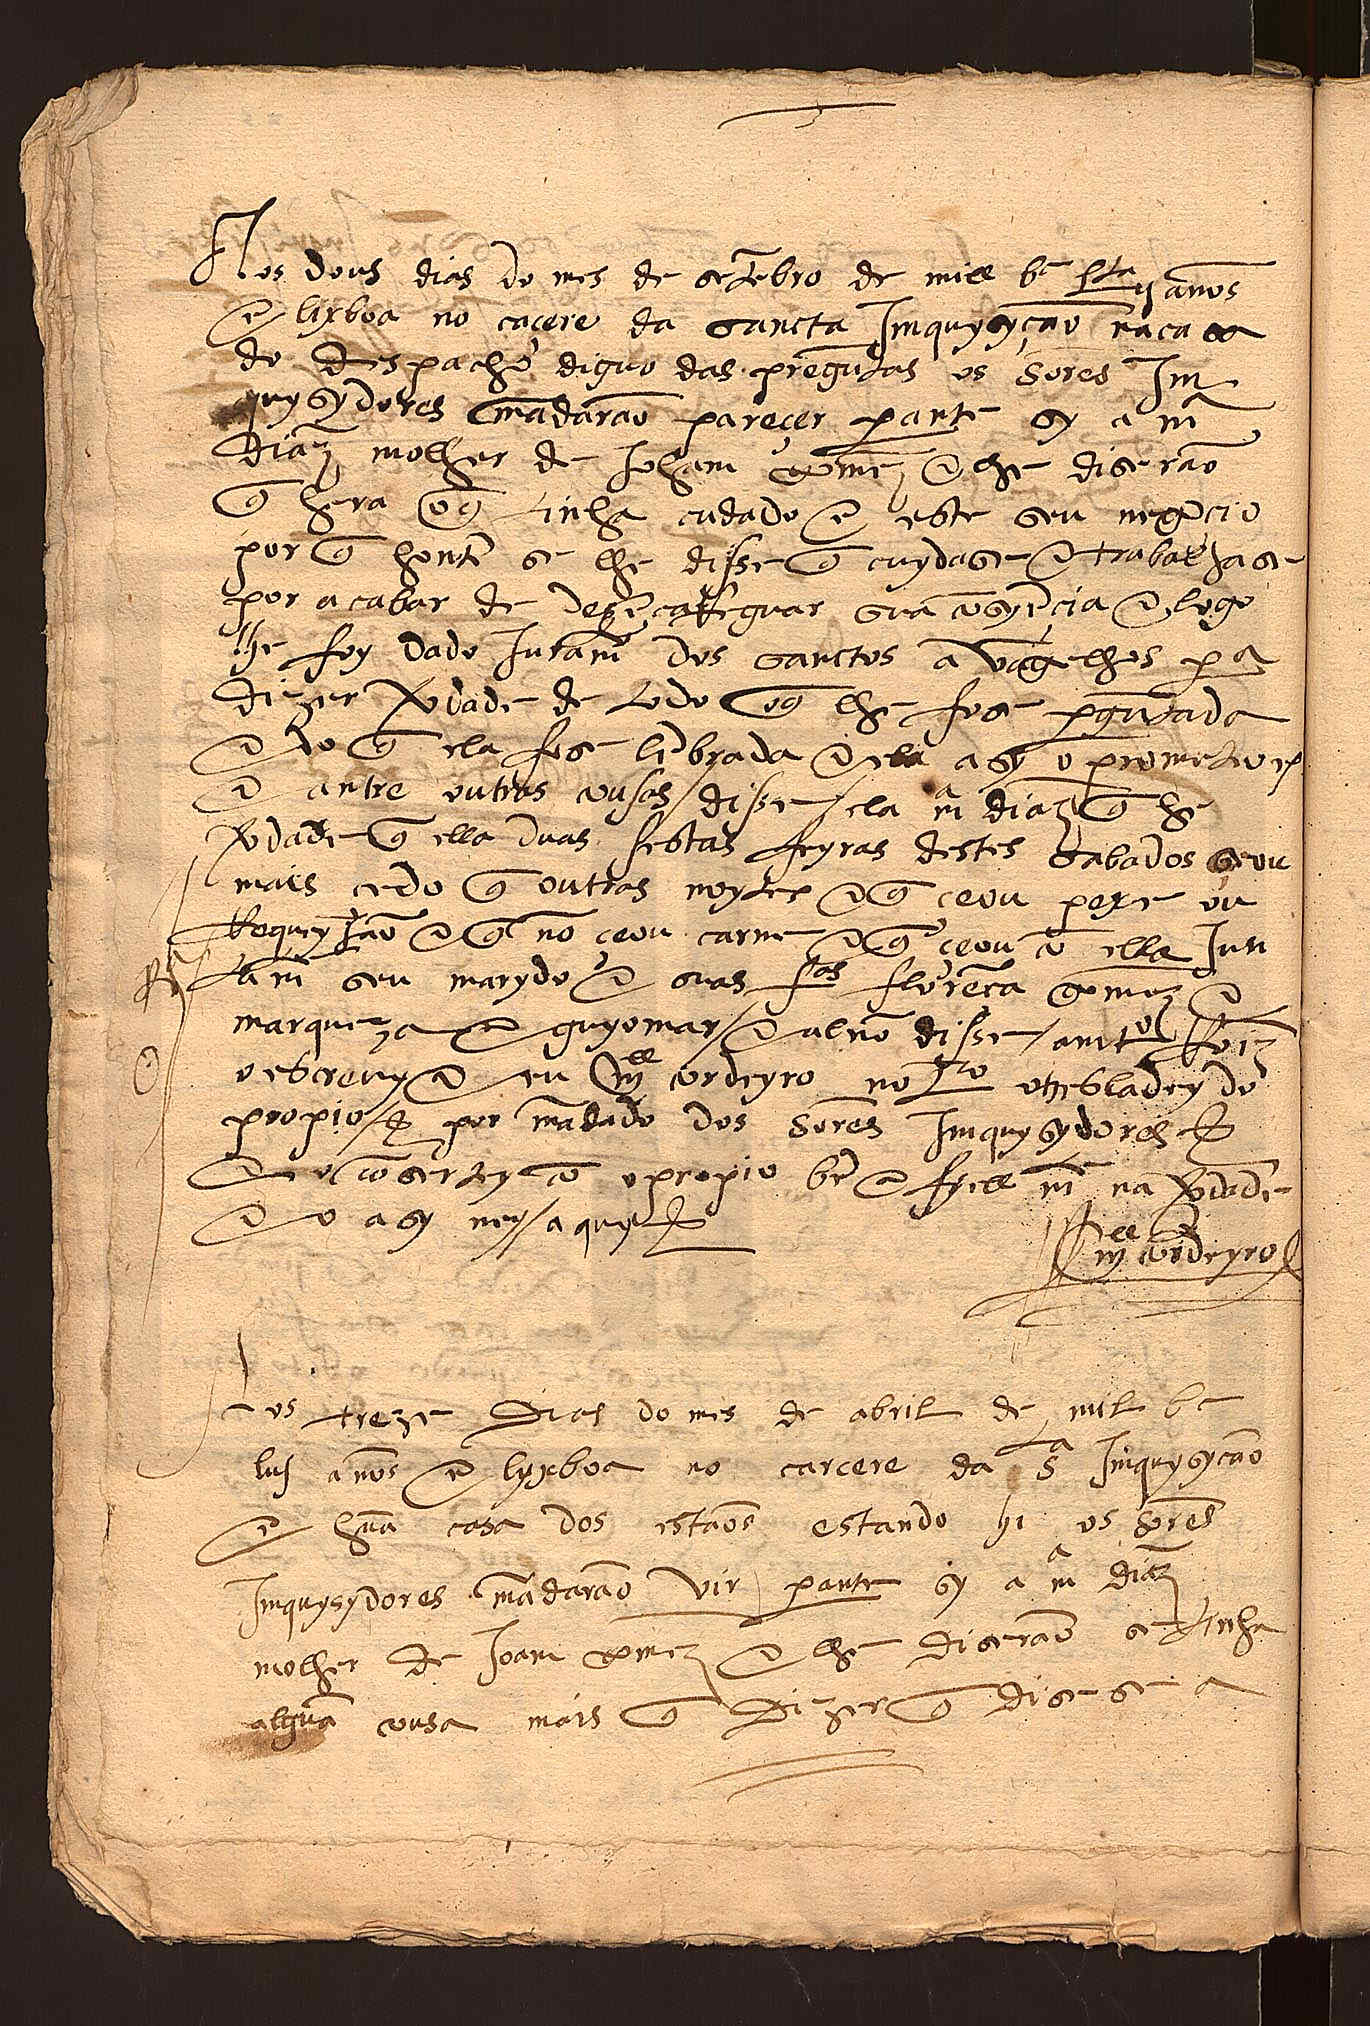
Aos dous dias do mes de set̄ebro de mill bc Lta ij an̄os
ē lixboa no caçere da sancta Jmquysyção na casa
do despacho diguo das prēgutas os Sōres Jm
quysydores m̄adarão pareçer ꝑante sy a ma
diaz molher de Joham gomez e lhe diserão
q̄ hera o q̄ tinha cudado ē este seu negoçio
porq̄ hontē se lhe disse q̄ cuydase e trabalhase
por acabar de dezēcaReguar sua c̄osyēçia e logo
lhe foy dado Juramto dos sanctos avāgelhos ꝑa
dizer ꝟdade de todo o q̄ lhe fose ꝑḡutado
e do q̄ ela fose lēbrada e ela asy o prometeo cꝭ
e antre outras cousas / disse / ela ma diaz q̄ he
ꝟdade q̄ ella duas sestas feyras destes sabados çeou
mais çedo q̄ outras noytes e q̄ çeou pexe ou
RequeyJão e q̄ n̄o çeou carne e q̄ çeou c̄o ella Jun
tamte seu marydo e suas fas florēça gomez e
marqueza e guyomar / e al n̄o disse / amto Roīz
o escreuy e eu mell cordeyro notro o tresladey do
propio / por mādado dos Sōres Jmquysydores
e o c̄osertey c̄o o propio bē e fyellmte na ꝟdade
e o asyney / aquy
Aos treze dias do mes de abril de mil bc
liij an̄os ē lyxboa no carcere da sta Jmquysycão
ē hūa casa dos estaos estando hi os Sōres
Jmquysydores m̄andarão vir ꝑante sy a ma diaz
molher de Joam gomez e lhe diserão se tinha
algūa cousa mais q̄ dizer q̄ disese a
